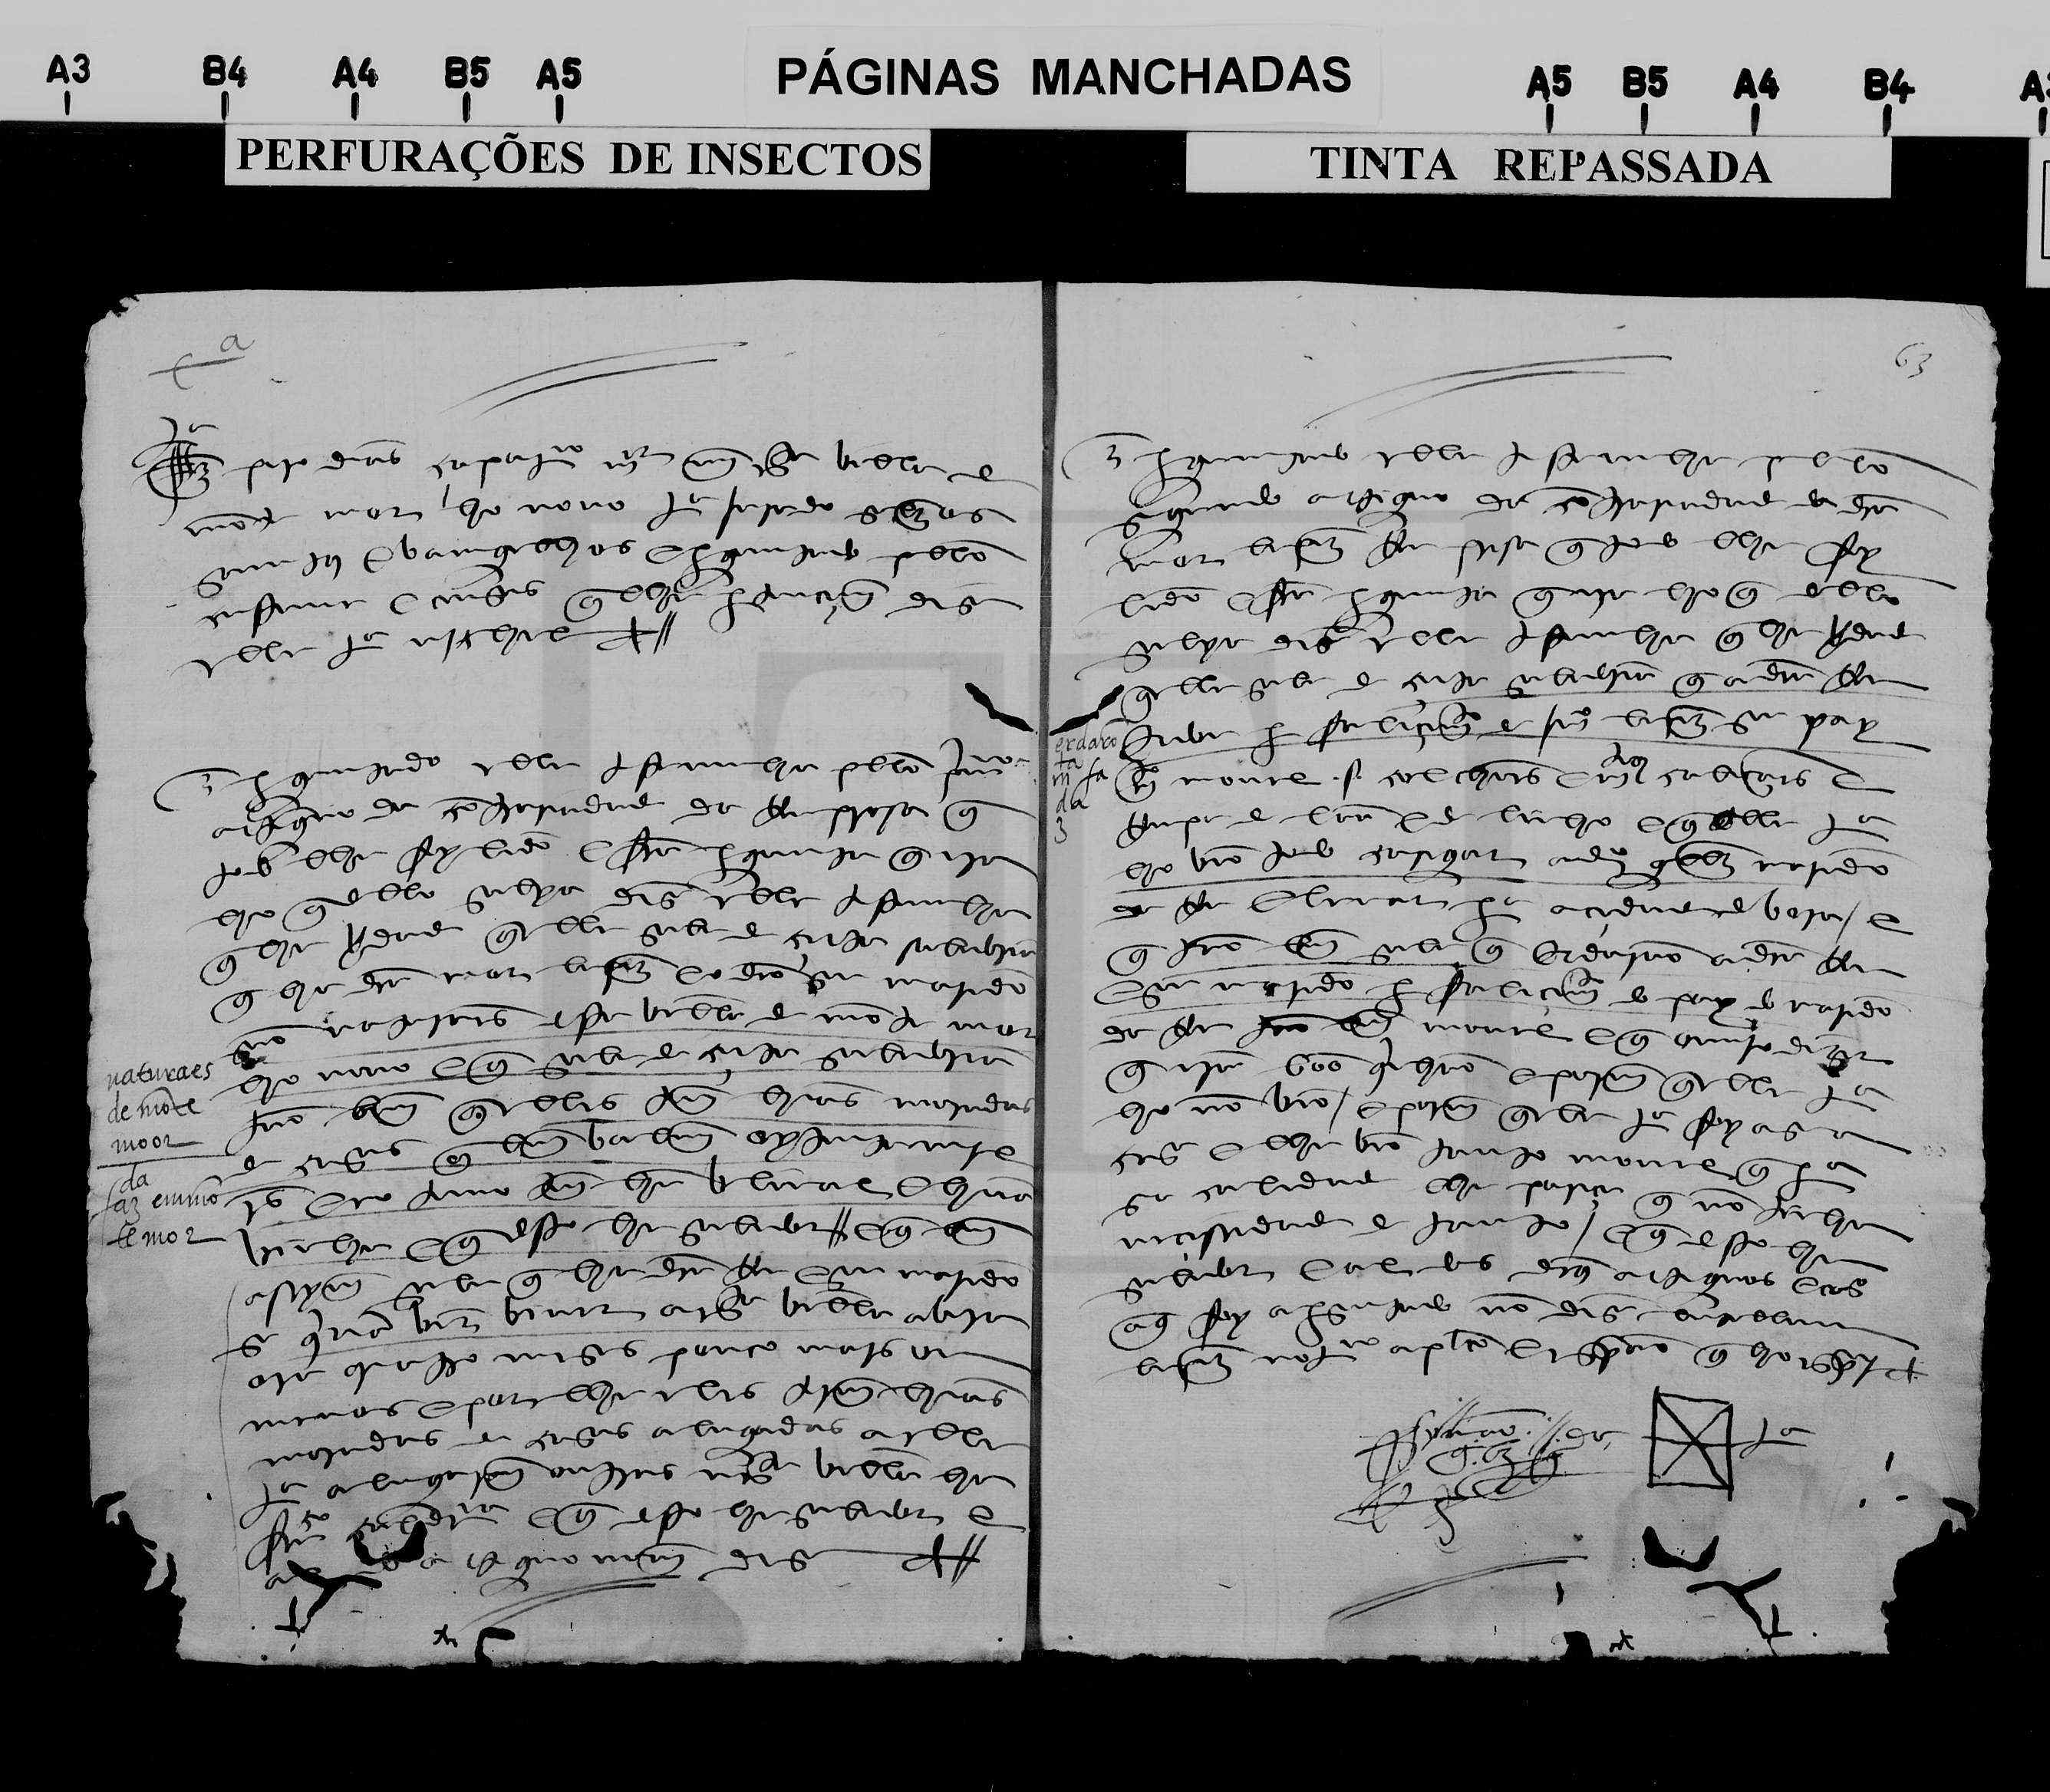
ta
ta
Jtem pero dias çapatro mor em esta villa de
mōtemor ho nouo ta Jurado sob̄r os
samtꝯ evamgelhos e ꝑguntado pll̄o
custume e cousas q̄ lhe ꝑtençem dise
elle ta njchel
item ꝑguntado elle testemunha pll̄o pimro
artiguo da c̄otrariadade da Ree presa q̄
todo lhe foy lido e f̄ca ꝑgunta q̄ era
ho q̄ dello sabya dise elle testemunha
q̄ he ꝟdade q̄ elle sabe de certa sabedoria
q̄ ha dīa mor lopez e o dīo seu marido
são naturaēs desta villa de mōtemor
ho nouo e q̄ sabe de certa sabedoria
tãobem q̄ elles tem huās moradas
de casas q̄ bem valem oytenta mjl
r̄s e no termo tem hū vliual e huā
vinha e q̄ desto he sabedor // e q̄ bem
asym sabe q̄ ha dīa Ree e seu marido
se qiriā vir viuer a esta villa avera
ora quatro meses pouco majs ou
menos e por lhe eles terem huās
moradas de casas alugadas a elle
ta alugaram outras nesta villa ha
frrco caldrra e q̄ desto he sabedor e
al do artiguo nam dise
naturaes
de mōte
moor
fazda em mō
temor
63
item ꝑgumtado elle testemunha pllō
segundo artiguo da c̄otrariadade da dīa
mor lopez Ree presa q̄ todo lhe foy
lido e fc̄a ꝑgunta q̄ era ho q̄ dello
sabya dise elle testemunha q̄ he ꝟdade
q̄ elle sabe de certa sabedoria q̄ a dīa Ree
Erdou ꝑ falecimto de Jmo lopez seu pay
mto mouel .s. colchões e mtꝯ cabeçais e
Roupa de lāa e de linho e q̄ Elle ta
ho vio todo caregar a djo gl̄lz marido
da Ree e leuar ꝑa a cidade devora / e
q̄ tãobem sabe q̄ Erdarão a dīa Ree
e seu marido ꝑ falecimto do pay do marido
da Ree tãobem mouel e q̄ ouujo dizer
q̄ erā bōo qinhão e porem q̄ elle ta
ho n̄o vio / e porem q̄ ele ta foy a sua
casa e lhe vio tanto mouel q̄ ꝑa
sua calidade lhe parece q̄ n̄o tinha
necesidade de tanto / e q̄ desto he
sabedor e al dos dīꝯ artiguos e caso
a q̄ foy aꝑsentado n̄o dise bertollameu
lopez notro apl̄co e esp̄ão q̄ ho esp̄uj
erdarō
mta fa
zda
